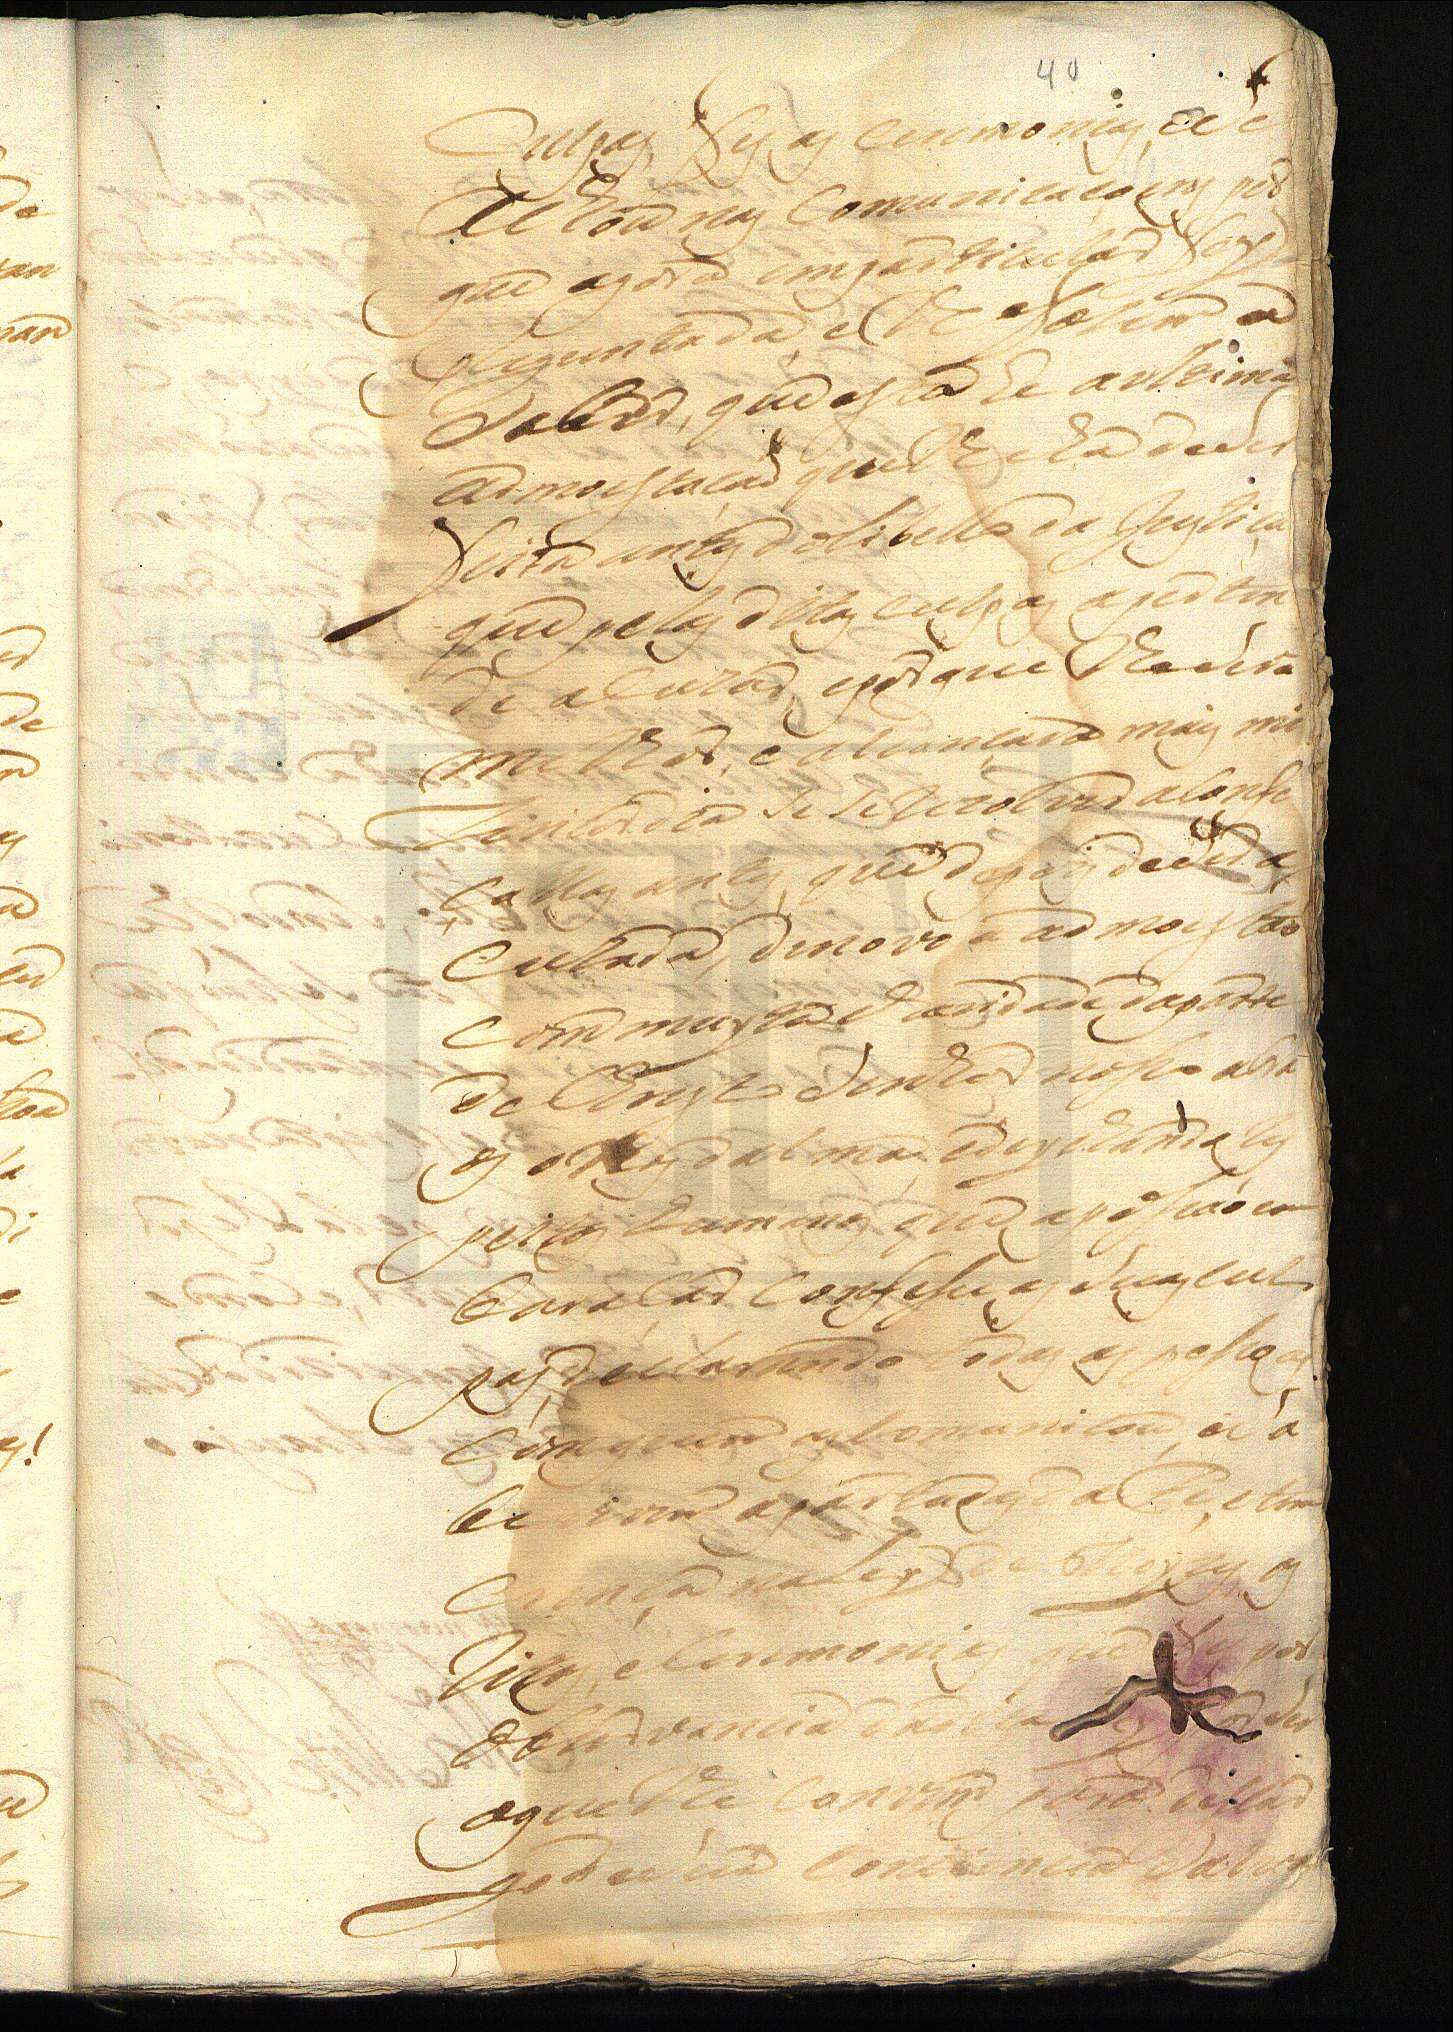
culpas, fes as ceremonias e se
achou nas comunicaçoens per
que agora em particular foy
preguntada, e lhe fosem a
saber, que esta he a ultima
admoestaçaõ que lhe ha de ser
feita antes do libello da Justiça
que pelas ditas culpas a perten
de acuzar, e porque lhe serâ
milhor, e alcançara mais mi
Ziricordia se se rezolver a confe
çallas antes, que depois de ser a
cuzada, de novo a admoestão
com muyta charidade da parte
de Christo Senhor nosso abra
os olhos dalma e deychando res
peitos humanos que a possaõ en
baraçar confesse as suas cul
pas, declarando todas as pessoas
com quem as comunicou, e Sa
be vivem apartadas da Fe, e tem
crença na Ley de Moyses, os
Ritos, e ceremonias que _les por
observancia da dita _ey por ser
o que lhe convem para descar
go de sua cons_encia salva
